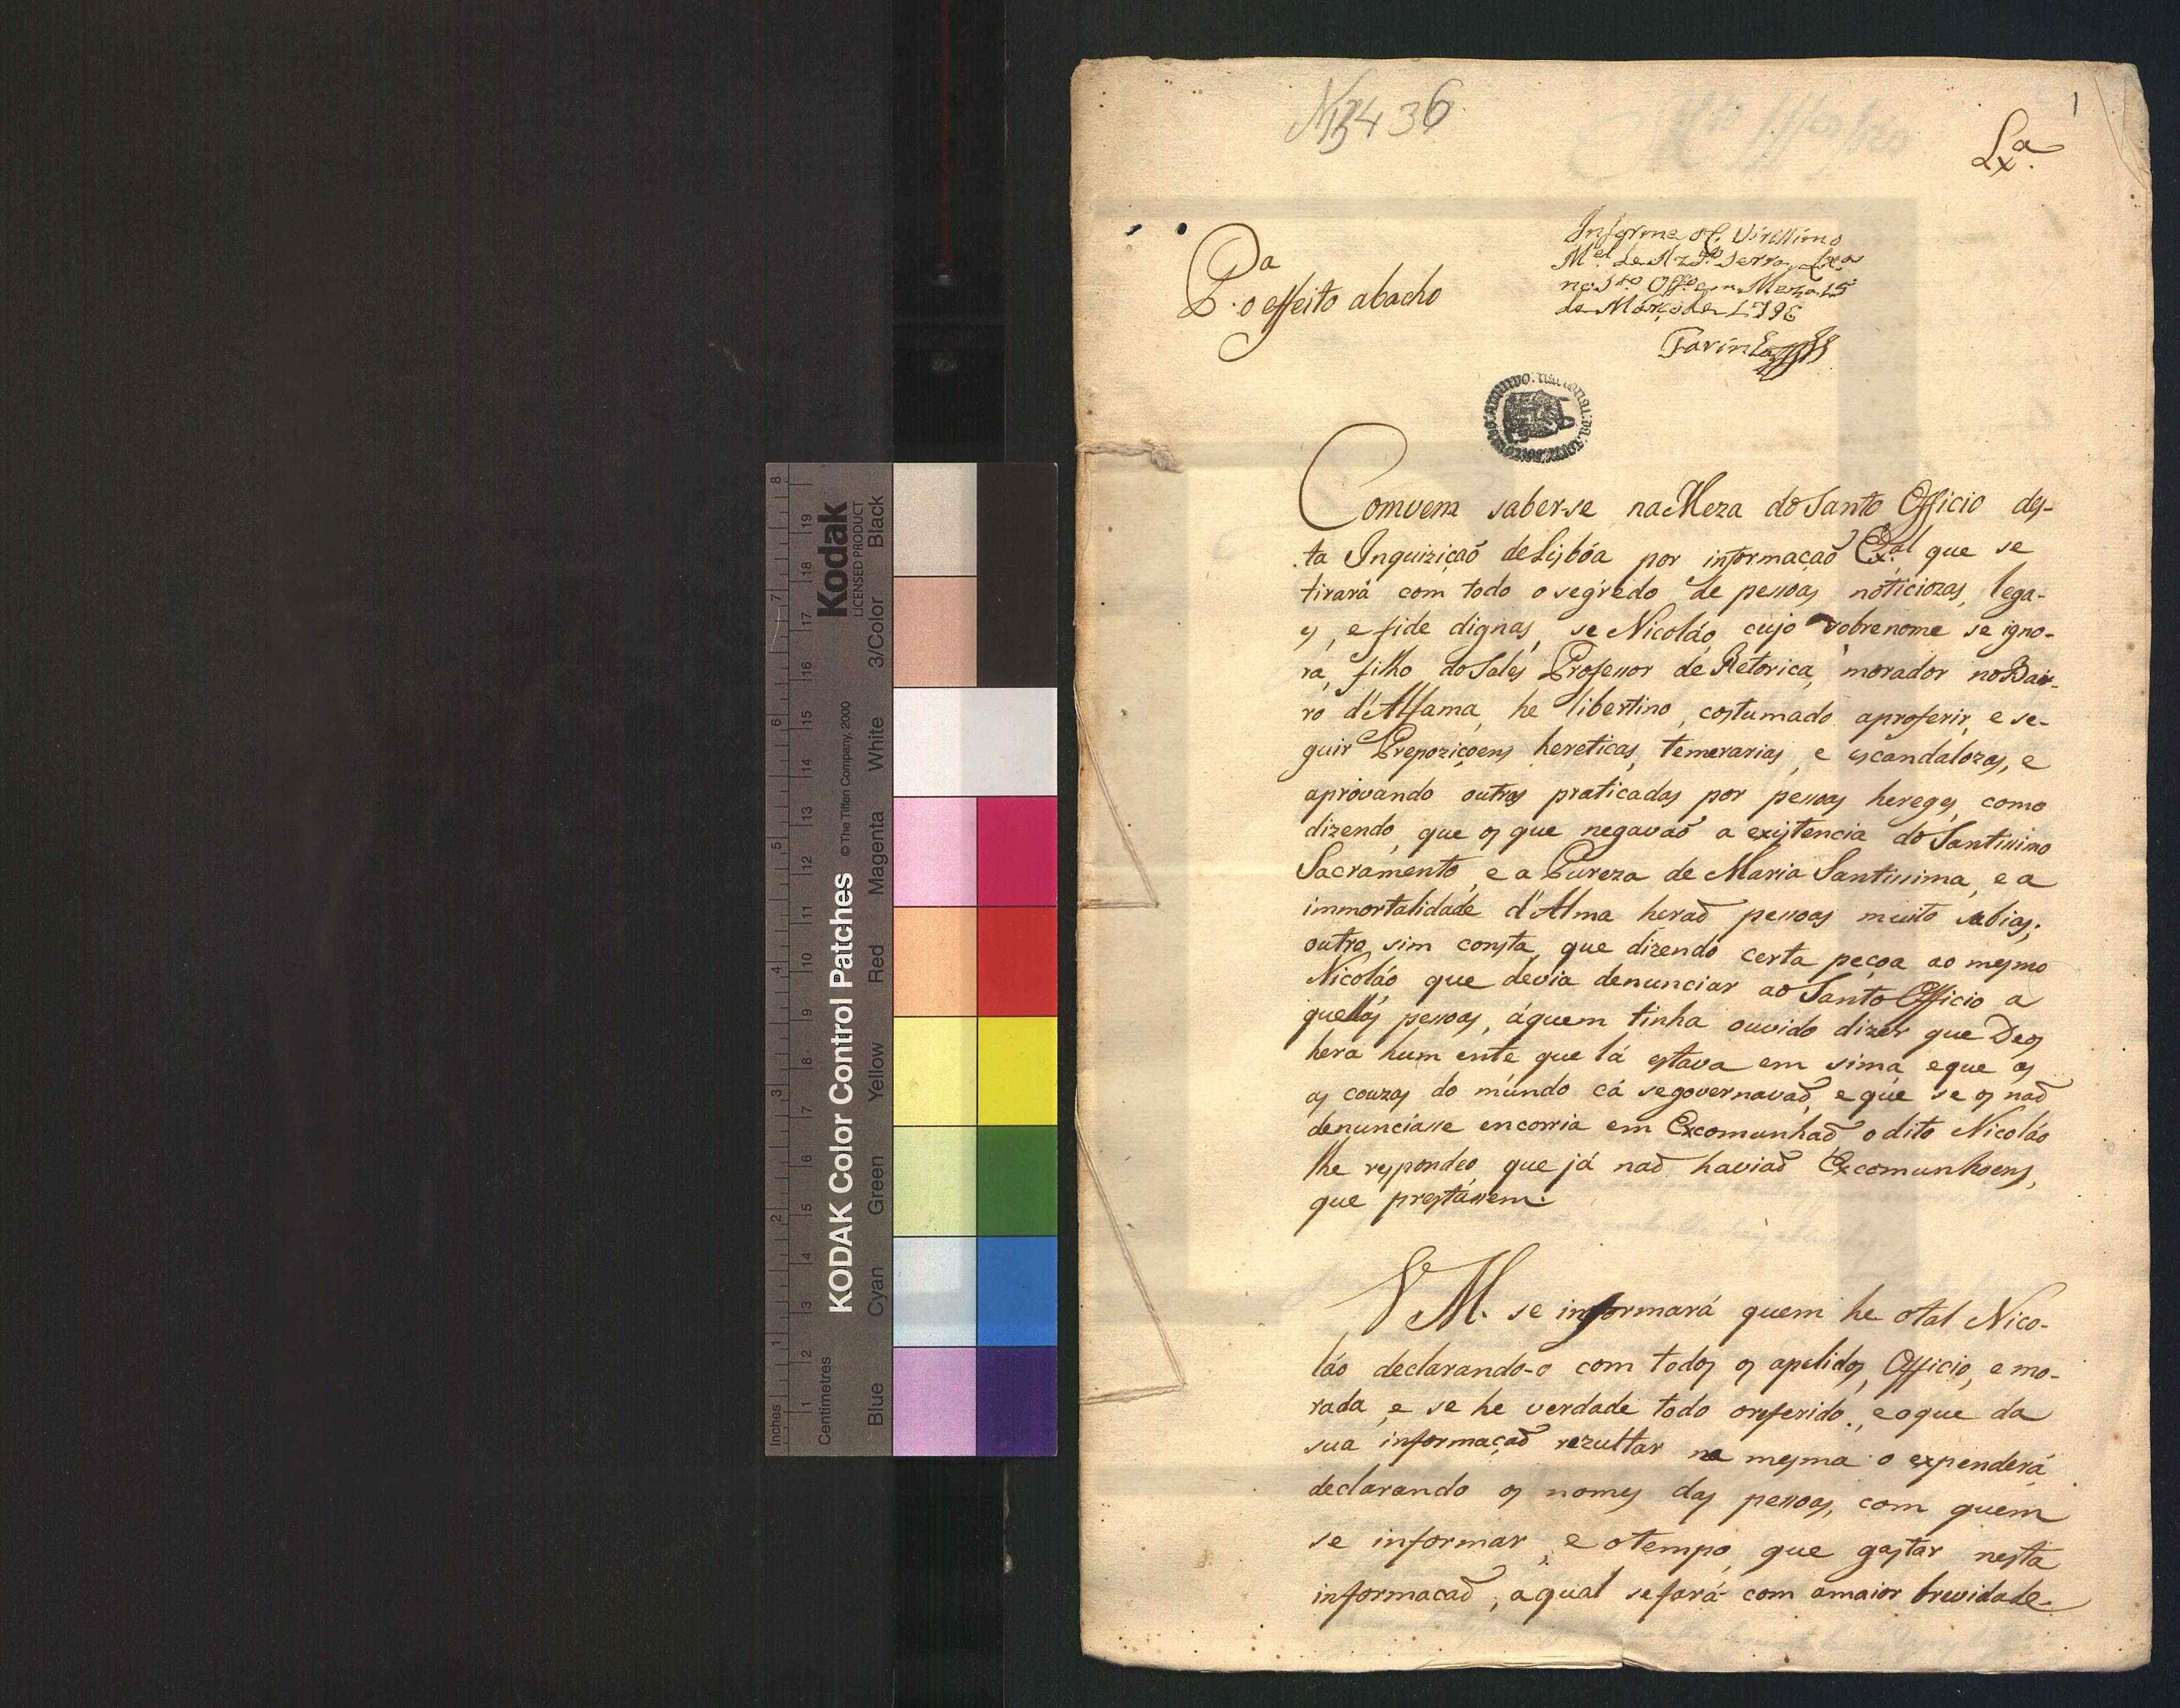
Lx.a
Informe o C. Virissimo
M.el de Azd.o serra, Lx.a
no s.t.o Off.o em Meza 15
P.a o effeito abacho
de Março de 1796
Farinha
Comvem saber-se na Meza do Santo Officio des
ta Inquiziçaõ de Lisbóa por informaçaõ Ex.al que se
tirará com todo o segredo de pessoas noticiozas, lega
is, e fidedignas, se Nicoláo, cujo sobrenome se igno
ra, filho do Sales Professor de Retorica, morador no Bair
ro d'Alfama, he libertino, costumado a proferir, e se
guir Prepoziçoens hereticas, temerarias, e escandalozas, e
aprovando outras praticadas por pessoas hereges, como
dizendo, que os que negavaõ a existencia do Santissimo
Sacramento, e a Pureza de Maria Santissima, e a
immortalidade d'Alma heraõ pessoas muito sabias;
outrosim consta, que dizendo certa peçoa ao mesmo
Nicoláo, que devia denunciar ao Santo Officio a
quellas pessoas, á quem tinha ouvido dizer que Deos
hera hum ente, que lá estava em sima, e que as
as couzas do mundo cá se governavaõ, e que se os naõ
denunciasse encorria em Excomunhaõ o dito Nicoláo
lhe respondeo, que já naõ haviaõ Excomunhoens,
que prestassem.
VM. se informará quem he o tal Nico
láo declarando-o com todos os apelidos, Officio, e mo
rada, e se he verdade todo o referido., e o que da
sua informaçaõ rezultar na mesma o expenderá
declarando os nomes das pessoas, com quem
se informar, e o tempo, que gastar nesta
informaçaõ, a qual se fará com a maior brevidade
